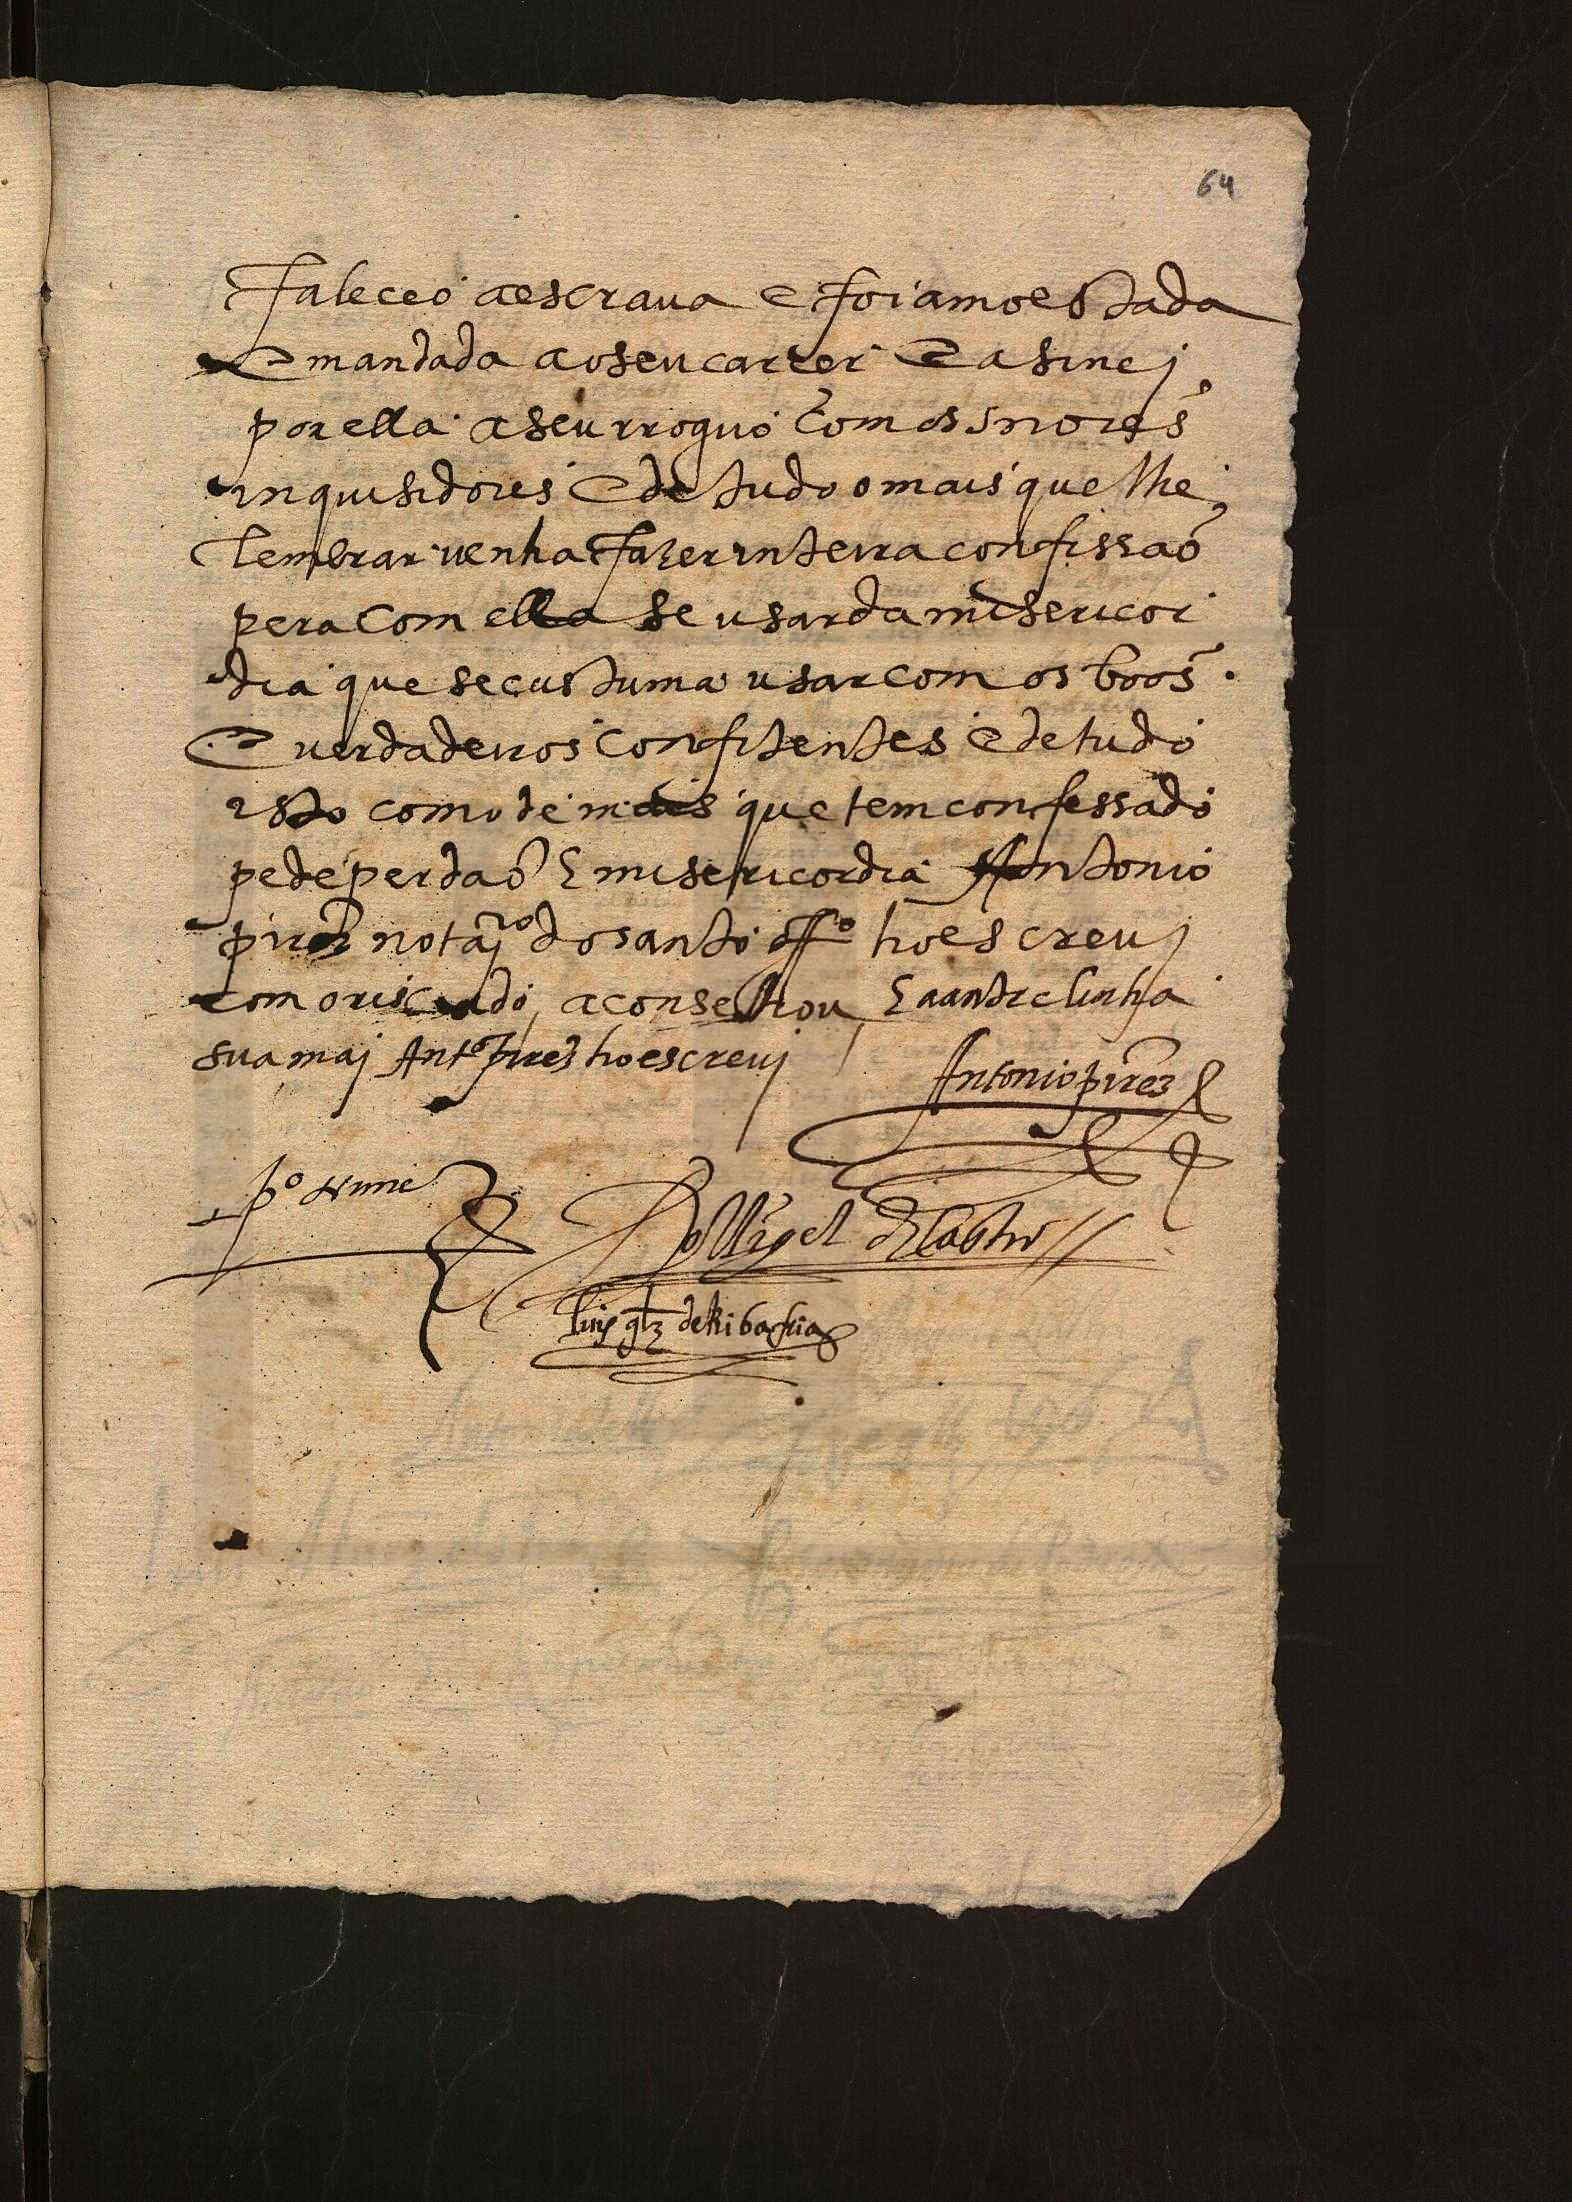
faleceo a escraua e foi amoestada
e mandada ao seu carçer e asinej
por ella a seu rroguo com os snores̅
inquisidores e de tudo o mais que lhe
lembrar uenha fazer inteira confissaõ
pera com ella se usar da misericor
dia que se custuma usar com os boos̄
e uerdadeiros confitentes e de tudo
isto como de mais que tem confessado
pede perdaõ E misericordia Antonio
pire̅z notajro do santo offo ho escreuj
com o riscado, aconselhou, E a antrelinha
sua maj Anto pirez ho escreuj
